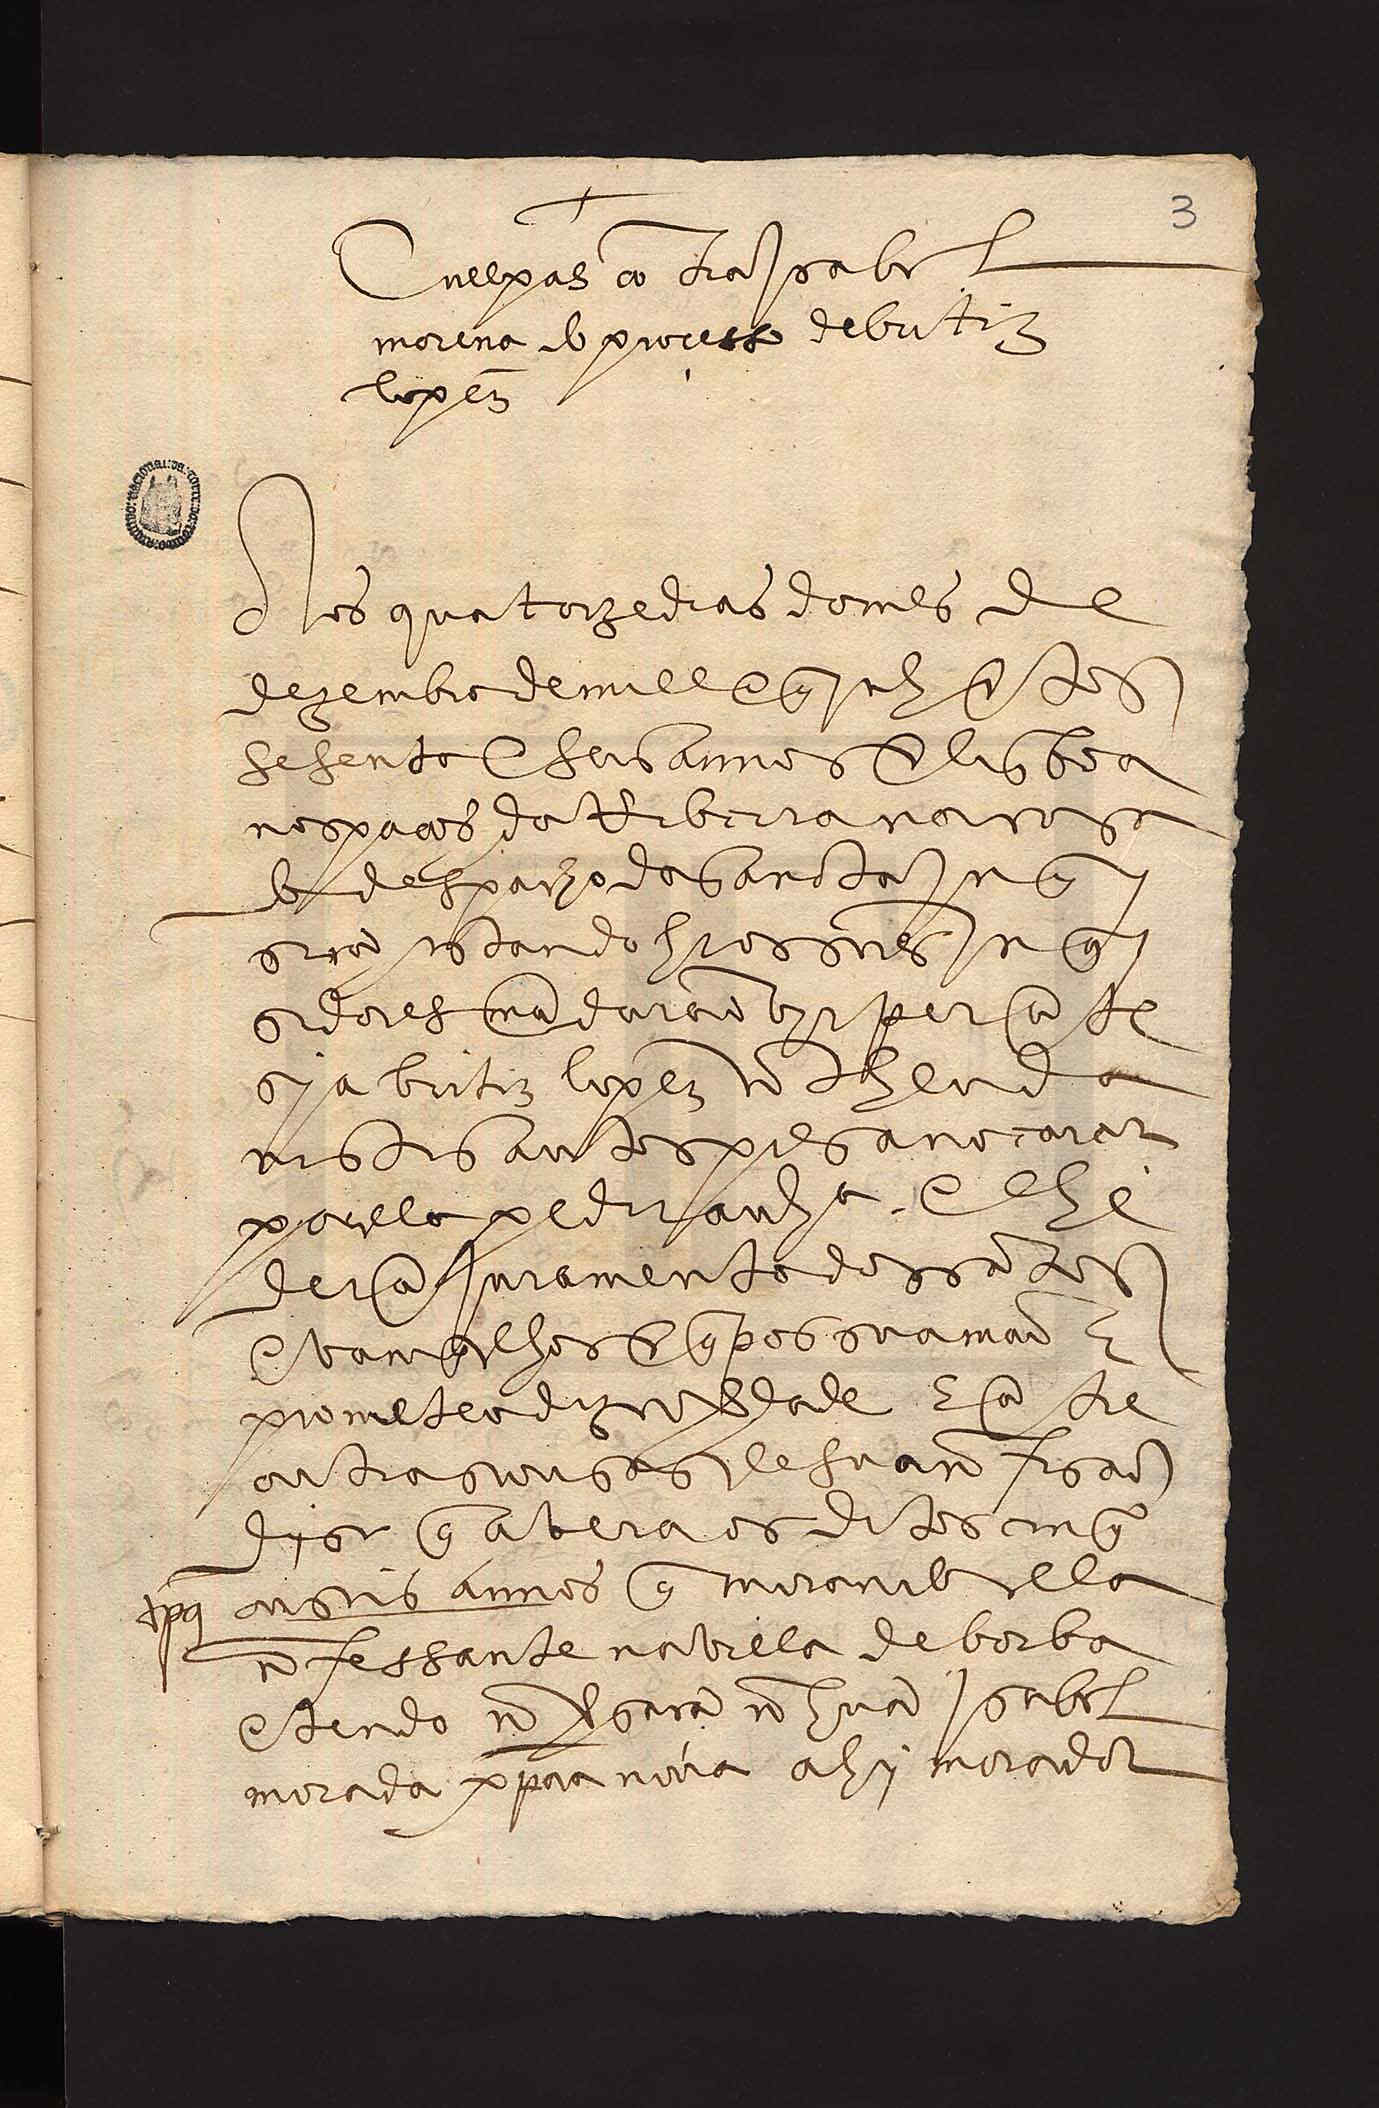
Cullpas cōtra Jsabel
morena do proçesso de britiz
lopez̄
Aos quatorze dias do mes de
dezembro de mill e q̄jnhētos
sesenta e seis annos ē lisboa
nos paços da Ribeira na casa
do despacho da sancta Jnq̄y
sição estando hi os s̄ores jnq̄y
sidores mādarão vjr perāte
sj a britiz lopez cōtheuda
nestes autos presa no carcer
por ella pedir audja . e lhe
derā Juramento dos sātos
evamgelhos ē q̄ pos sua mão E
prometeo dizer ꝟdade E ātre
outras cousas de sua cōfisaõ
djse q̄ avera os ditos cinq̄o
ou seis annos q̄ morando ella
cōfessante na villa de borba
e tendo cōꝟsação cō huā JsabeL
morada xp̄aa noua ahy morador
